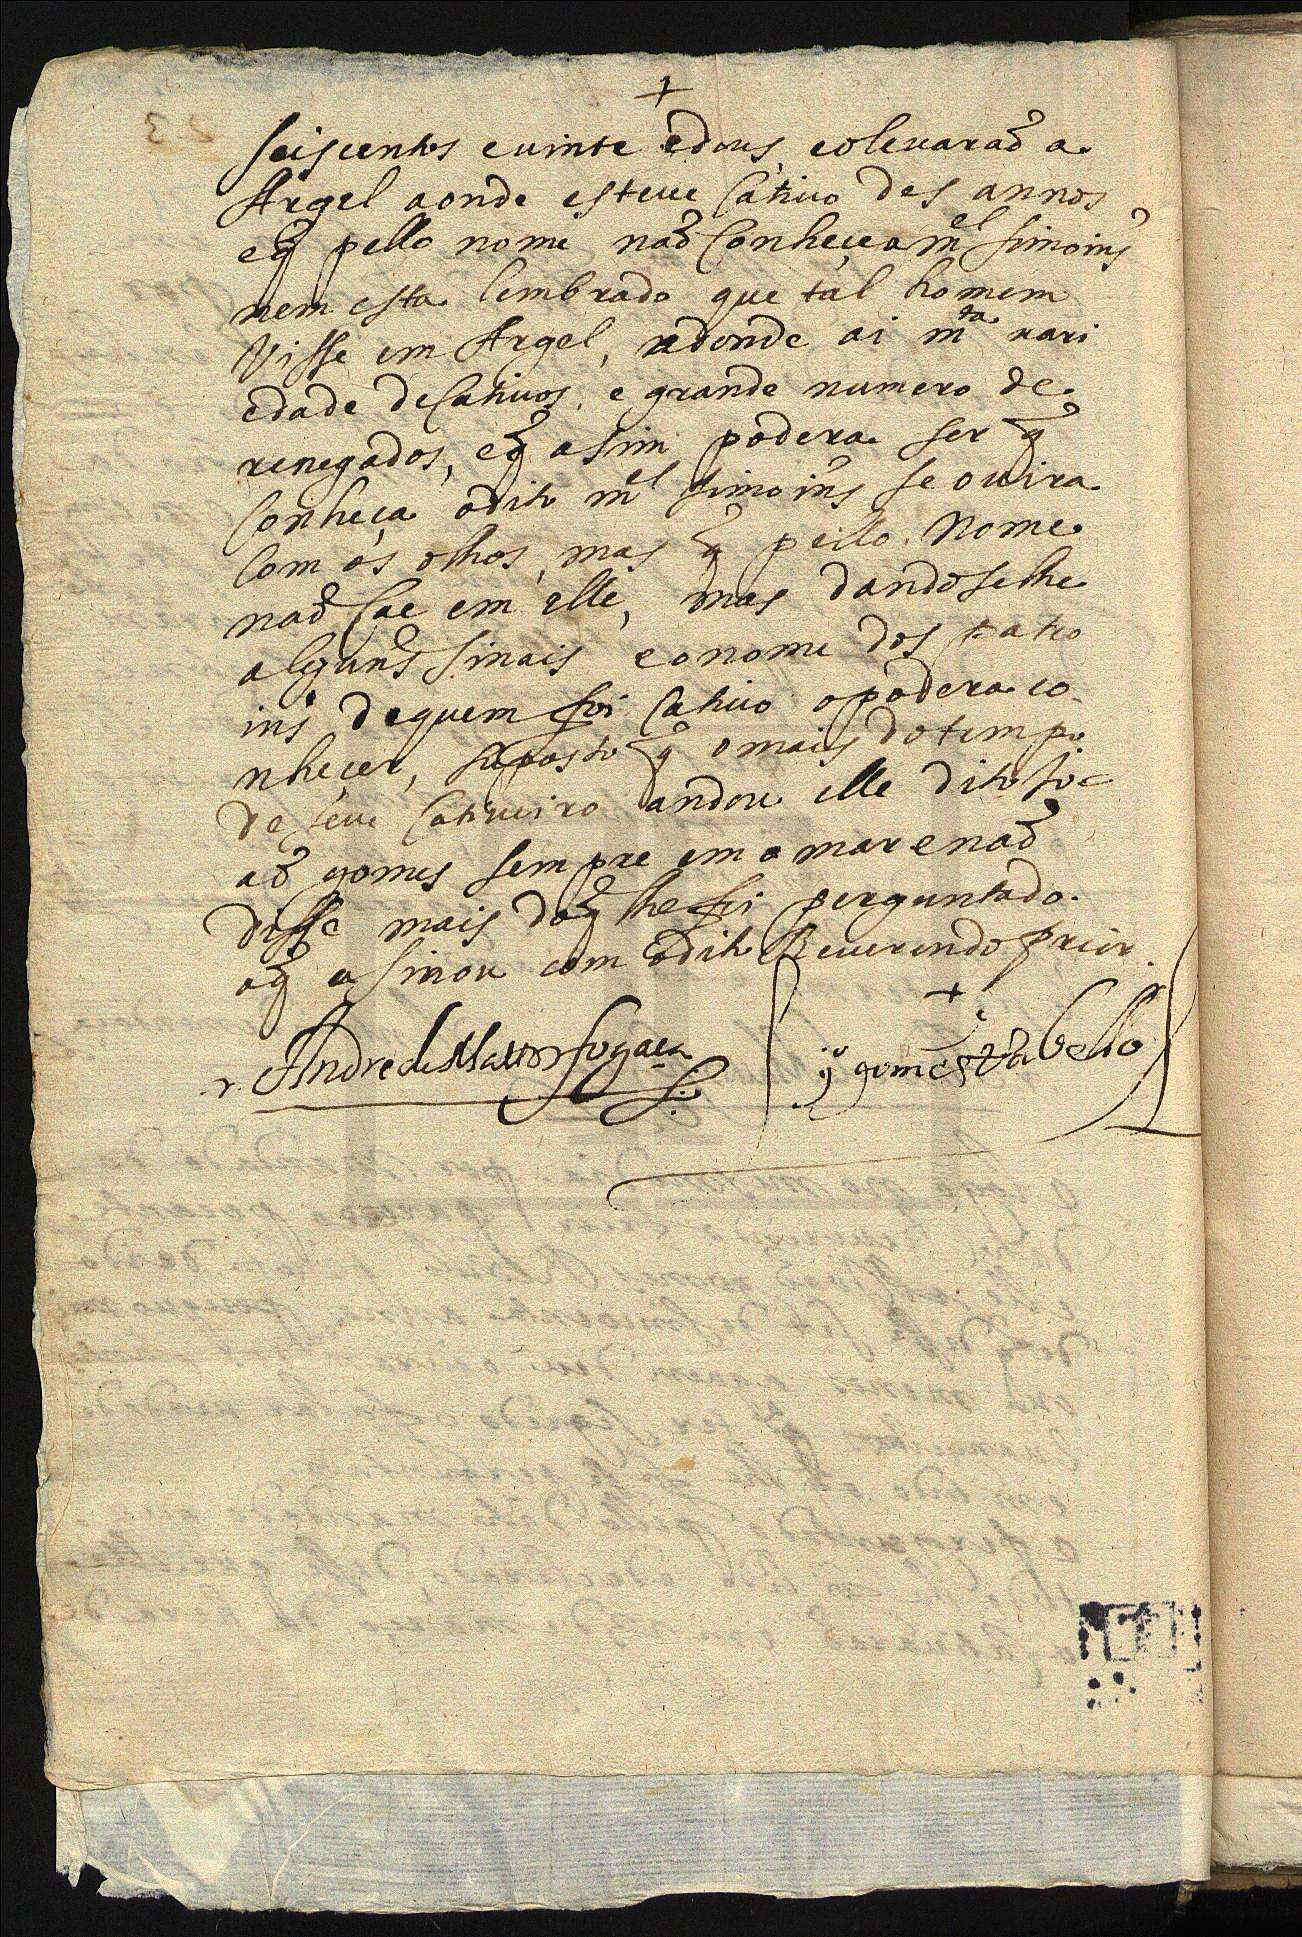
seiscentos e uinte e dous e o leuaraõ a
Argel aonde esteue Catiuo des annos
e q̄ pello nome naõ Conhece a mel simoins
nem esta lembrado que tal homem
Visse em Argel, adonde ai mta uari
edade de Catiuos, e grande numero de
renegados, e q̄ asim podera ser q̄
Conheça o dito mel simoin̄s se o uira
com os olhos, mas q̄ pello nome
naõ Cae em elle, mas dandoselhe
algun̄s sinais e o nome dos patro
ins de quem foi Catiuo o podera co
nhecer, suposto q̄ o mais do tempo
de seu Catiueiro andou elle dito Jo
aõ gomes sempre em o mar e naõ
disse mais do q̄ lhe foi perguntado.
o q̄ asinou com o dito Reuerendo prior
